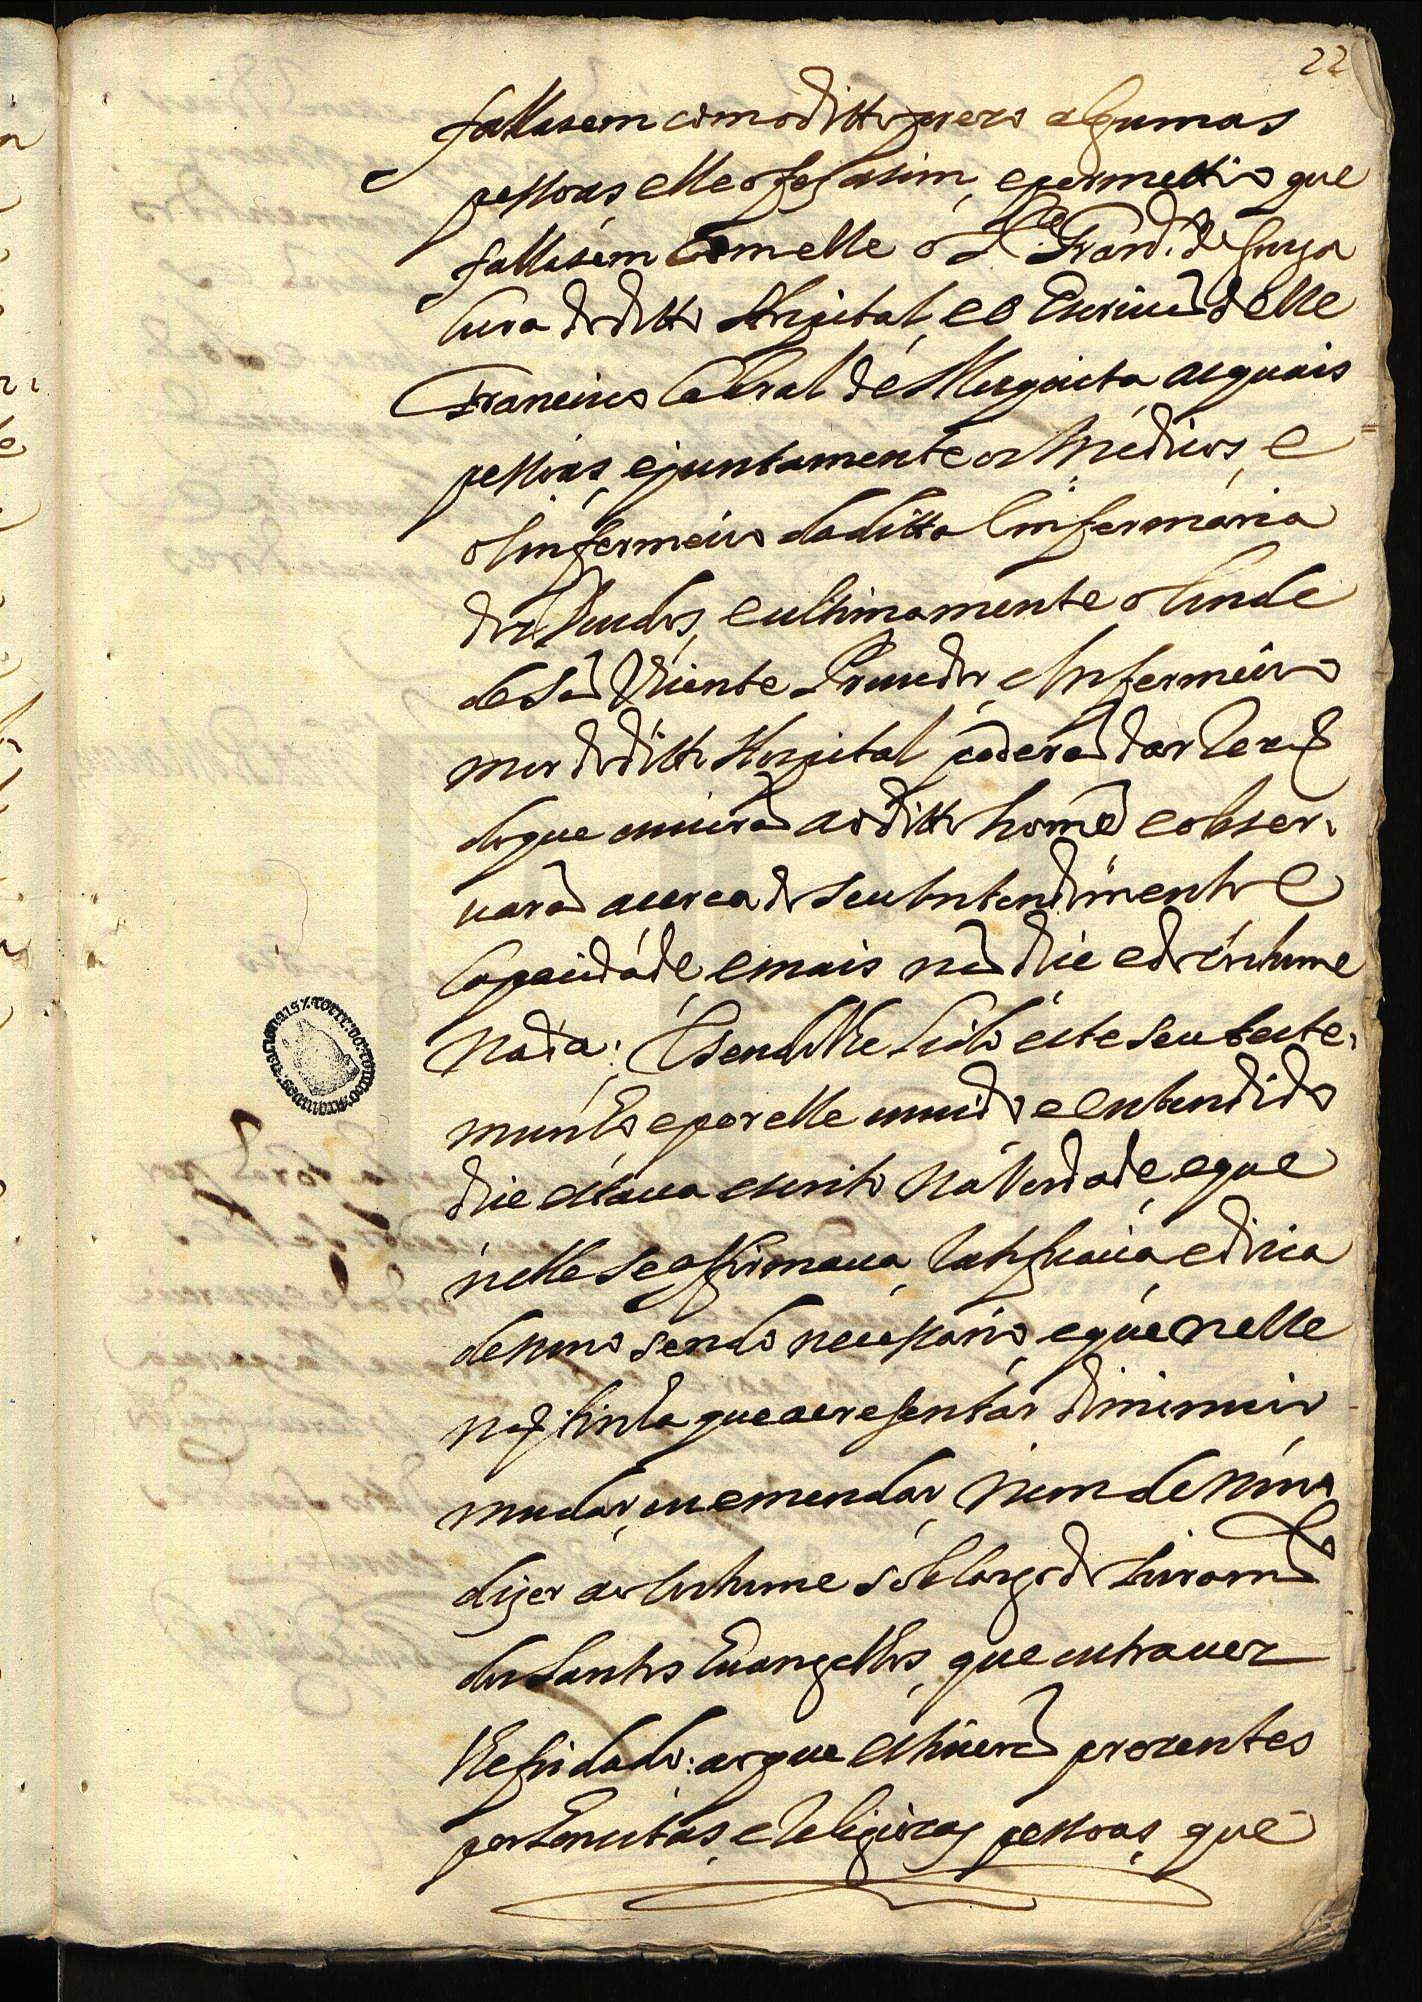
fallarem com o ditto prezo algumas
pessoas, elle o fes asim, e permettio que
fallasem com elle o P.e Fran.co de souza
Cura do ditto Hospital, e o Escriuaõ delle
Francisco Cabral de Mesquita, as quais
pessoas, e juntamente os Medicos, e
o Imfermeiro da ditta Imfermaria
doz Doudos, e ultimamente olinde
de Saõ Vicente Prouedor, e Infermeiro
mor do ditto Hospital poderaõ dar Rezaõ
do que ouuiraõ ao ditto homē, e obser
uaraõ acerca do seu entendimento, e
Capacidade, e mais naõ dice, e do costume
nada; E sendolhe lido este seu teste
munho, e por elle ouuido, e entendido
dice estaua escrito na verdade, e que
nelle se affirmaua, Ratificaua, e dizia
de nouo sendo necessario, e que nelle
naõ tinha que acresentar, diminuir,
mudar, ou emendar, nem de nouo
dizer ao custume sob Cargo do Iuramto
dos Santos Euangelhos, que outra uez
lhe foi dado: ao que estiueraõ prezentes
por honestas, e Religiozas pessoas, que
